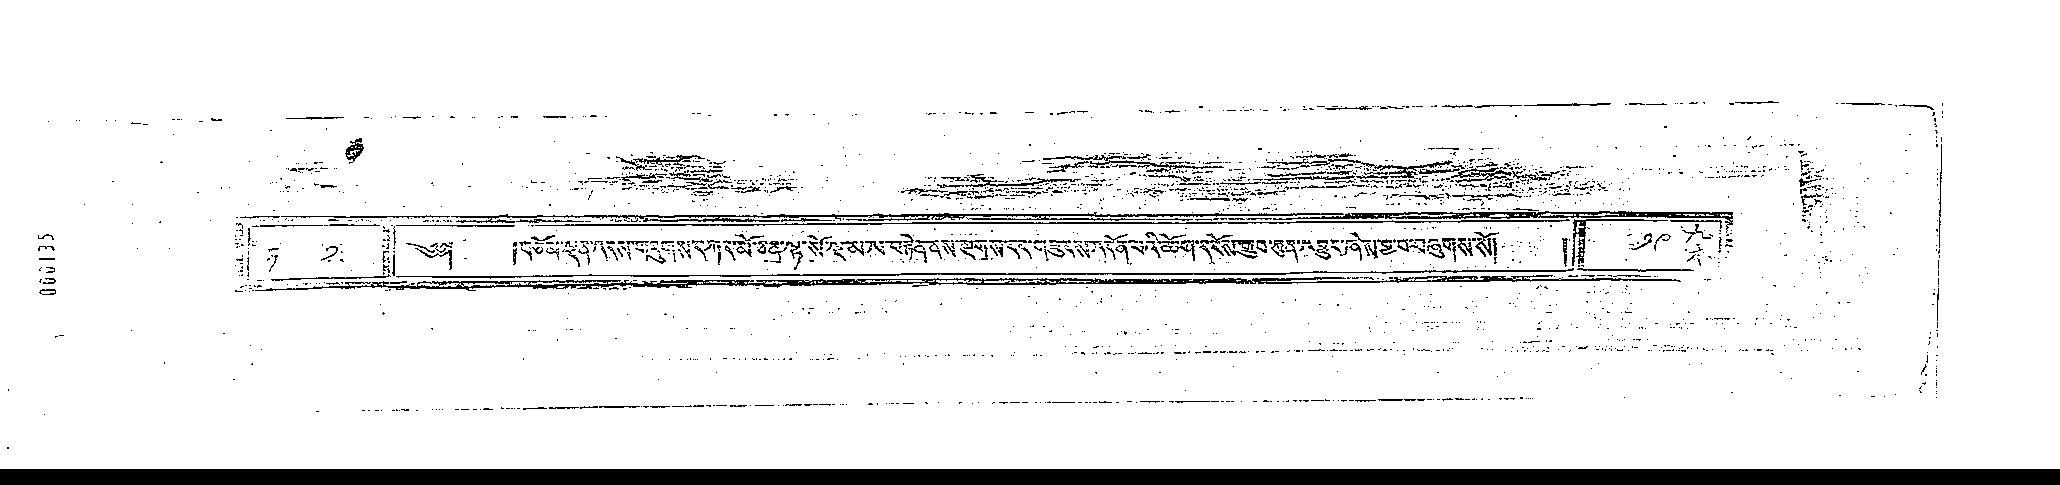ཏ ༩?
ཏ ༡་༄༅། །བཅོམ་ལྡན་འདས་གདུགས་དཀར་མོ་ཅན་ལྷ་སོ་ལྔ་མ་ལ་བརྟེན་ནས་སྔགས་དང་གཟུངས་འདོན་པའི་ཆོ་ག་དངོས་གྲུབ་ཀུན་འབྱུང་ཞེས་བྱ་བ་བཞུགས་སོ། ། ༡༤